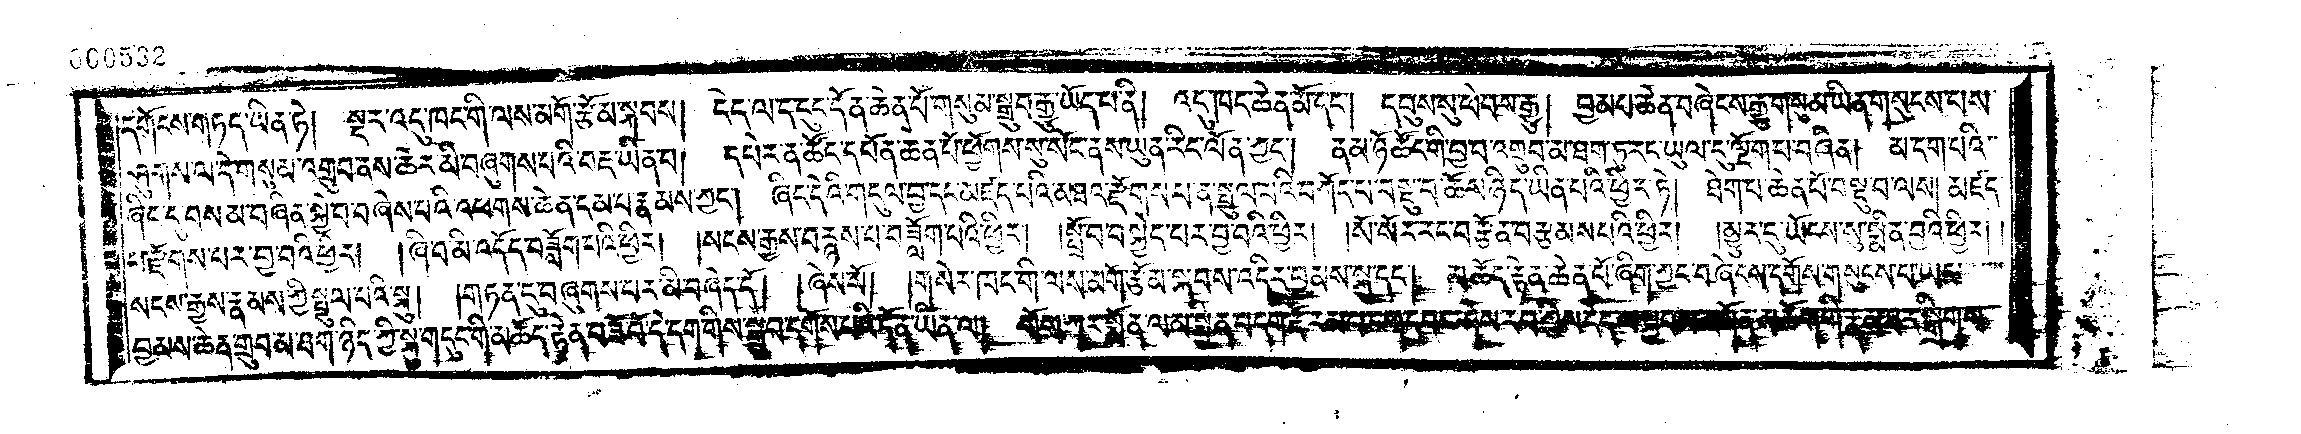དགོངས་གཏད་ཡིན་ཏེ། སྔར་འདུ་ཁང་གི་ལས་མགོ་རྩོམ་སྐབས། ངེད་ལ་ད་དུང་དོན་ཆེན་པོ་གསུམ་སྒྲུབ་རྒྱུ་ཡོད་པ་ནི། འདུ་ཁང་ཆེན་མོ་དང་། དབུས་སུ་ཕེབས་རྒྱུ། བྱམས་ཆེན་བཞེངས་རྒྱུ་གསུམ་ཡིན་གསུངས་པས་
ཤུགས་ལ་དེ་གསུམ་འགྲུབ་ནས་ཆེར་མི་བཞུགས་པའི་བརྡ་ཡིན་པ། དཔེར་ན་ཚོང་དཔོན་ཆེན་པོ་ཕྱོགས་སུ་སོང་ནས་ཡུན་རིང་ལོན་ཀྱང་། ནམ་ཉོ་ཚོང་གི་བྱ་བ་འགྲུབ་མ་ཐག་ཏུ་རང་ཡུལ་དུ་ལྡོག་པ་བཞིན། མ་དག་པའི་
ཞིང་དུ་བསམ་བཞིན་སྐྱེ་བ་བཞེས་པའི་འཕགས་ཆེན་དམ་པ་རྣམས་ཀྱང་། ཞིང་དེའི་གདུལ་བྱ་དང་མཛད་པའི་མཐའ་རྫོགས་པ་ན་སྤྲུལ་པའི་བཀོད་པ་བསྡུ་བ་ཆོས་ཉིད་ཡིན་པའི་ཕྱིར་ཏེ། ཐེག་པ་ཆེན་པོ་བསྡུ་བ་ལས། མཛད་
པ་རྫོགས་པར་བྱ་བའི་ཕྱིར། །ཞི་བ་མི་འདོད་བཟློག་པའི་ཕྱིར། །སངས་རྒྱས་བརྙས་པ་བཟློག་པའི་ཕྱིར། །སྤྲོ་བ་བསྐྱེད་པར་བྱ་བའི་ཕྱིར། །སོ་སོར་རང་བརྩོན་བརྩམས་པའི་ཕྱིར། །མྱུར་དུ་ཡོངས་སུ་སྨིན་བྱའི་ཕྱིར། །
སངས་རྒྱས་རྣམས་ཀྱི་སྤྲུལ་པའི་སྐུ། །གཏན་དུ་བཞུགས་པར་མི་བཞེད་དོ། །ཞེས་སོ། །གསེར་ཁང་གི་ལས་མགོ་རྩོམ་སྐབས་འདིར་བྱམས་སྐུ་དང་། མཆོད་རྟེན་ཆེན་པོ་ཞིག་ཀྱང་བཞེངས་དགོས་གསུངས་པ་ཡང་
བྱམས་ཆན་གྲུབ་མ་ཐག་ཉིད་ཀྱི་སྐུ་གདུང་གི་མཆོད་རྟེན་བཟོ་བོ་དེ་དག་གིས་སྒྲུབ་དགོས་པའི་དོན་ཡིན་ལ། སོས་ཀར་སྨོན་ལམ་སྦྱིན་བདག་རྡོ་རམ་པ་ངག་དབང་ཤེས་རབ་ཀྱིས་ངེད་ལ་སྐྱབས་མགོན་མཆོག་གི་རྣམ་ཐར་སྒྲིགས་